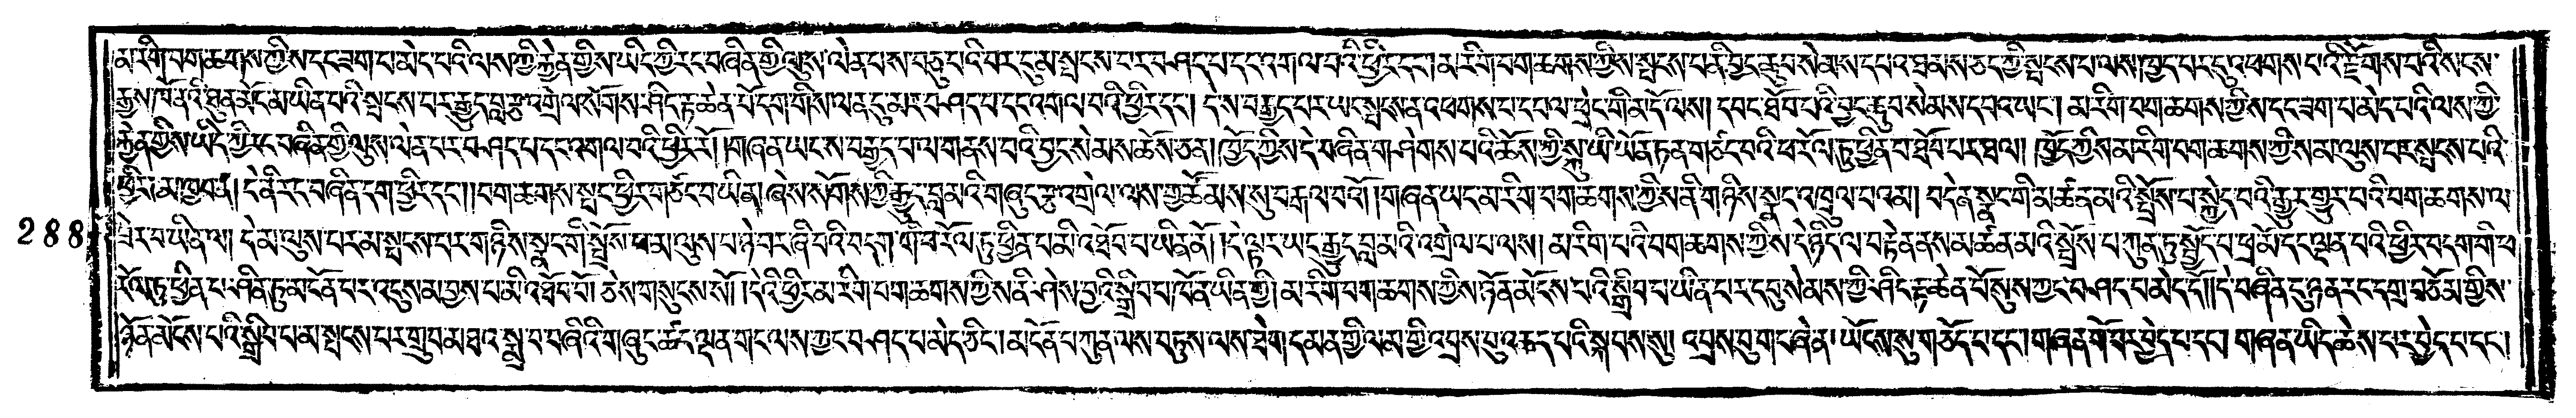མ་རིག་བག་ཆགས་ཀྱི་ས་དང་ཟག་པ་མེད་པའི་ལས་ཀྱི་རྐྱེན་གྱིས་ཡིད་ཀྱི་རང་བཞིན་གྱི་ལུས་ལེན་པ་ས་བཅུ་པའི་བར་དུ་མ་སྤངས་པར་བཤད་པ་དང་འགལ་བའི་ཕྱིར་དང་། མ་རིག་བག་ཆགས་ཀྱིས་སྤངས་པ་ནི་བྱང་ཆུབ་སེམས་དཔའ་ཐམས་ཅད་ཀྱི་སྤངས་པ་ལས་ཁྱད་པར་དུ་འཕགས་པའི་རྫོགས་པའི་སངས་
རྒྱས་ཁོ་ནའི་ཐུན་མོང་མ་ཡིན་པའི་སྤངས་པར་རྒྱུད་བླ་རྩ་འགྲེལ་སོགས་ཤིང་རྟ་ཆེན་པོ་དག་གིས་ལན་དུ་མར་བཤད་པ་དང་འགལ་བའི་ཕྱིར་དང་། དེ་ས་བརྒྱད་པར་ཡང་སྤངས་ན་འཕགས་པ་དཔལ་ཕྲེང་གི་མདོ་ལས། དབང་ཐོབ་པའི་བྱང་ཆུབ་སེམས་དཔའ་ཡང་། མ་རིག་བག་ཆགས་ཀྱིས་དང་ཟག་པ་མེད་པའི་ལས་ཀྱི་
རྐྱེན་གྱིས་ཡིད་ཀྱི་རང་བཞིན་གྱི་ལུས་ལེན་པར་བཤད་པ་དང་འགལ་བའི་ཕྱིར་རོ། །གཞན་ཡང་ས་བརྒྱད་པ་ལ་གནས་པའི་བྱང་སེམས་ཆོས་ཅན། ཁྱོད་ཀྱིས་དེ་བཞིན་གཤེགས་པའི་ཆོས་ཀྱི་སྐུ་ཡི་ཡོན་ཏན་གཙང་བའི་ཕ་རོལ་ཏུ་ཕྱིན་པ་ཐོབ་པར་ཐལ། ཁྱོད་ཀྱིས་མ་རིག་བག་ཆགས་ཀྱིས་མ་ལུས་པར་སྤངས་པའི་
ཕྱིར༑ མ་ཁྱབ་ན། དེ་ནི་རང་བཞིན་དག་ཕྱིར་དང་། །བག་ཆགས་སྤངས་ཕྱིར་གཙང་བ་ཡིན། ཞེས་སོགས་ཀྱི་རྒྱུད་བླ་མའི་གཞུང་རྩ་འགྲེལ་ལས་གྱ་ཚོམས་སུ་བརྒལ་བའོ། །གཞན་ཡང་མ་རིག་བག་ཆགས་ཀྱི་ས་ནི་གཉིས་སྣང་འཁྲུལ་བའམ། བདེན་སྣང་གི་མཚན་མའི་སྤྲོས་པ་སྐྱེད་བའི་རྒྱུར་གྱུར་པའི་བག་ཆགས་ལ་
ཟེར་བ་ཡིན་ལ། དེ་མ་ལུས་པར་མ་སྤངས་པར་གཉིས་སྣང་གི་སྤྲོས་པ་མ་ལུས་པ་ཉེ་བར་ཞི་བའི་བདག་གི་ཕ་རོལ་ཏུ་ཕྱིན་པ་མི་འཐོབ་པ་ཡིན་ནོ། །དེ་ལྟར་ཡང་རྒྱུད་བླ་མའི་འགྲེལ་པ་ལས། མ་རིག་པའི་བག་ཆགས་ཀྱིས་དེ་ཉིད་ལ་བརྟེན་ནས་མཚན་མའི་སྤྲོས་པ་ཀུན་ཏུ་སྤྱོད་པ་ཕྲ་མོ་དང་ལྡན་པའི་ཕྱིར་བདག་གི་ཕ་
རོལ་ཏུ་ཕྱིན་པ་ཤིན་ཏུ་མངོན་པར་འདུས་མ་བྱས་པ་མི་འཐོབ་བོ། ཅེས་གསུངས་སོ། །དེའི་ཕྱིར་མ་རིག་བག་ཆགས་ཀྱིས་ནི་ཤེས་བྱའི་སྒྲིབ་པ་ཁོ་ན་ཡིན་གྱི། མ་རིག་བག་ཆགས་ཀྱིས་ཉོན་མོངས་པའི་སྒྲིབ་པ་ཡིན་པར་དབུ་སེམས་ཀྱི་ཤིང་རྟ་ཆེན་པོ་སུས་ཀྱང་བཤད་པ་མེད་དོ། །དེ་བཞིན་དུ་ཉན་རང་དགྲ་བཅོམ་གྱིས་
ཉོན་མོངས་པའི་སྒྲིབ་པ་མ་སྤངས་པར་གྲུབ་མཐའ་སྨྲ་བ་བཞིའི་གཞུང་ཚང་ལྡན་གང་ལས་ཀྱང་བཤད་པ་མེད་ཅིང་། མངོན་པ་ཀུན་ལས་བཏུས་ལས་ཐེག་དམན་གྱི་ལམ་གྱི་འབྲས་བུ་འཆད་པའི་སྐབས་སུ། འབྲས་བུ་གང་ཞེ་ན། ཡོངས་སུ་གཅོད་པ་དང་། གཞན་གོ་བར་བྱེད་པ་དང་། གཞན་ཡིད་ཆེས་པར་བྱེད་པ་དང་།